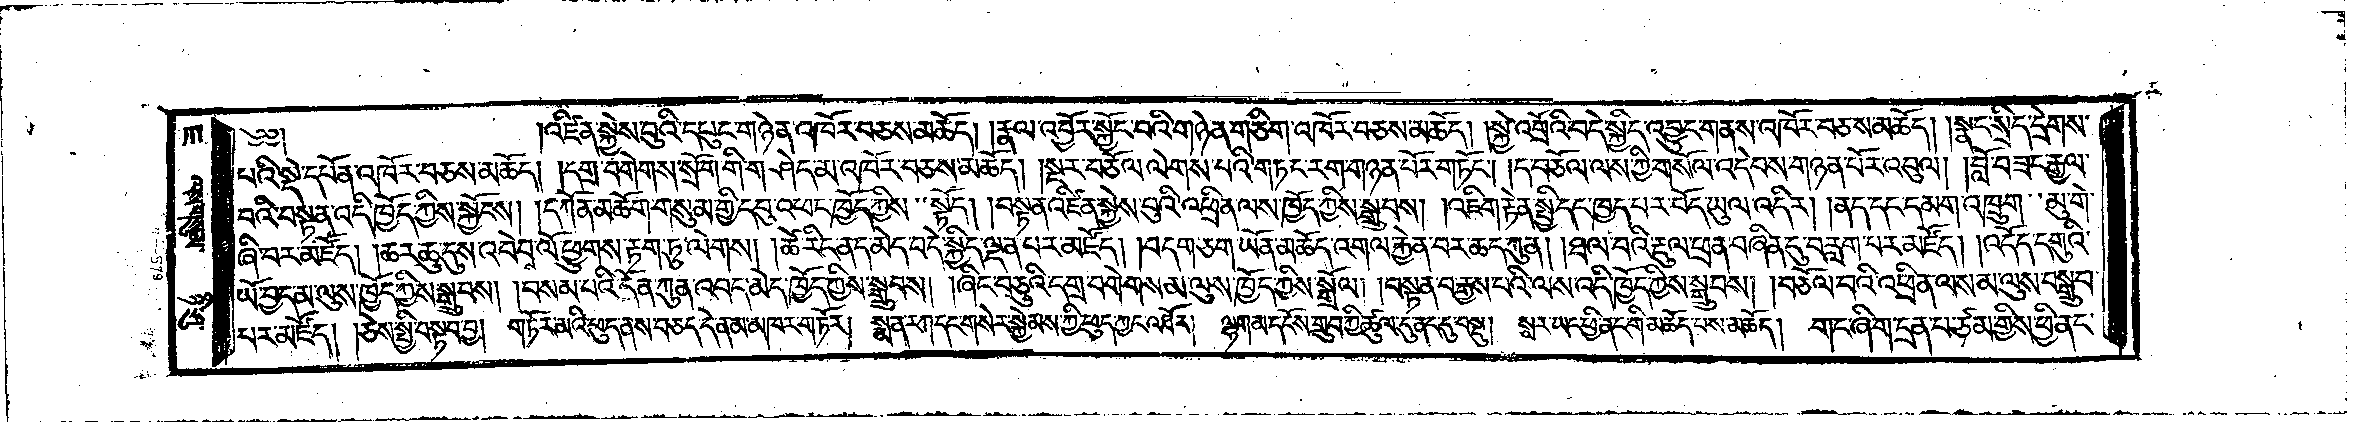༄༅། །འཛིན་སྐྱེས་བུའི་དཔུང་གཉེན་འཁོར་བཅས་མཆོད། །རྣལ་འབྱོར་སྐྱོང་བའི་གཉེན་གཅིག་འཁོར་བཅས་མཆོད། །སྐྱེ་འགྲོའི་བདེ་སྐྱིད་འབྱུང་གནས་འཁོར་བཅས་མཆོད། །སྣང་སྲིད་དྲེགས་
པའི་སྡེ་དཔོན་འཁོར་བཅས་མཆོད། །དགྲ་བགེགས་སྲོག་གི་གཤེད་མ་འཁོར་བཅས་མཆོད། །སྔར་བཅོལ་ལེགས་པའི་གཏང་རག་གཉན་པོར་གཏོང་། །ད་བཅོལ་ལས་ཀྱི་གསོལ་འདེབས་གཉན་པོར་འབུལ། །བློ་བཟང་རྒྱལ་
བའི་བསྟན་འདི་ཁྱོད་ཀྱིས་སྐྱོངས། །དཀོན་མཆོག་གསུམ་གྱི་དབུ་འཕང་ཁྱོད་ཀྱིས་སྟོད། །བསྟན་འཛིན་སྐྱེས་བུའི་འཕྲིན་ལས་ཁྱོད་ཀྱིས་སྒྲུབས། །འཇིག་རྟེན་སྤྱི་དང་ཁྱད་པར་བོད་ཡུལ་འདིར། །ནད་དང་དམག་འཁྲུག་མུ་གེ་
ཞི་བར་མཛོད། །ཆར་ཆུ་དུས་འབེབས་ལོ་ཕྱུགས་རྟག་ཏུ་ལེགས། །ཚེ་རིང་ནད་མེད་བདེ་སྐྱིད་ལྡན་པར་མཛོད། །བདག་ཅག་ཡོན་མཆོད་འགལ་རྐྱེན་བར་ཆད་ཀུན། །ཐལ་བའི་རྡུལ་ཕྲན་བཞིན་དུ་བརླག་པར་མཛོད། །འདོད་དགུའི་
ཡོ་བྱད་མ་ལུས་ཁྱོད་ཀྱིས་སྒྲུབས། །བསམ་པའི་དྲོན་ཀུན་འབད་མེད་ཁྱོད་ཀྱིས་སྒྲུབས། །ཞིང་བཅུའི་དགྲ་བགེགས་མ་ལུས་ཁྱོད་ཀྱིས་སྒྲོལ། །བསྟན་པ་རྒྱས་པའི་ལས་འདི་ཁྱོད་ཀྱིས་སྒྲུབས། །བཅོལ་བའི་འཕྲིན་ལས་མ་ལུས་བསྒྲུབ་
པར་མཛོད། །ཅེས་སྤྱི་བསྟབ་བྱ། གཏོར་མའི་ཕུད་ནས་བཅད་དེ་ནམ་མཁར་གཏོར། སྨན་རཀ་དང་གསེར་སྐྱེམས་ཀྱི་ཕུད་ཀྱང་འཐོར། ལྷག་མ་དངོས་གྲུབ་ཀྱི་ཚུལ་དུ་ནང་དུ་བསྡུ། སླར་ཡང་ཕྱི་ནང་གི་མཆོད་པས་མཆོད། གང་ཞིག་དྲན་པ་ཙམ་གྱིས་ཕྱི་ནང་